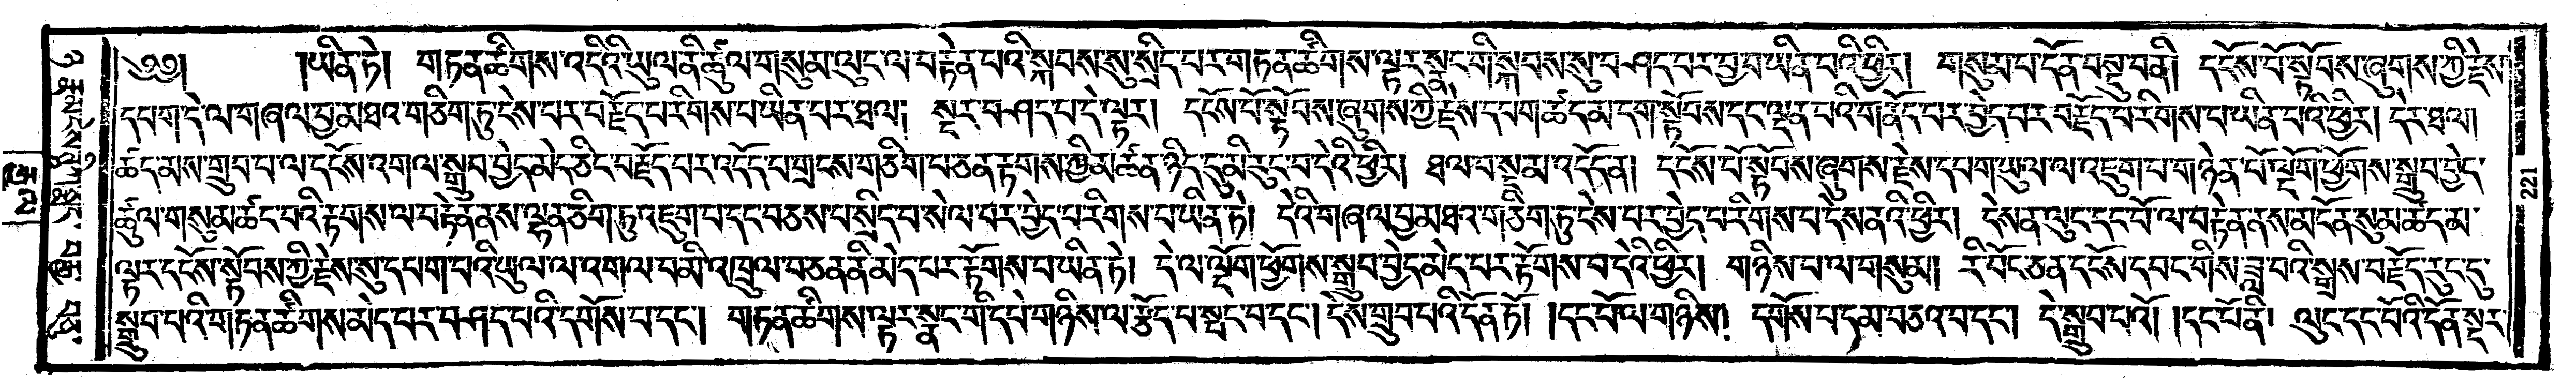༄༅། །ཡིན་ཏེ། གཏན་ཚིགས་འདིའི་ཡུལ་ནི་ཚུལ་གསུམ་ལུང་ལ་བརྟེན་པའི་སྐབས་སུ་སྲིད་པར་གཏན་ཚིགས་ལྟར་སྣང་གི་སྐབས་སུ་བཤད་པར་བྱ་བ་ཡིན་པའི་ཕྱིར། གསུམ་པ་དོན་བསྡུ་བ་ནི། དངོས་པོ་སྟོབས་ཞུགས་ཀྱི་རྗེས་
དཔག་དེ་ལ་གཞལ་བྱ་མཐའ་གཅིག་ཏུ་ངེས་པར་བརྗོད་པ་རིགས་པ་ཡིན་པར་ཐལ། སྔར་བཤད་པ་དེ་ལྟར། དངོས་པོ་སྟོབས་ཞུགས་ཀྱི་རྗེས་དཔག་ཚད་མ་དག་སྟོབས་དང་ལྡན་པའི་གནོད་པར་བྱེད་པར་བརྗོད་པ་རིགས་པ་ཡིན་པའི་ཕྱིར། དེར་ཐལ།
ཚད་མས་གྲུབ་པ་ལ་དངོས་འགལ་སྒྲུབ་བྱེད་མེད་ཅིང་བརྗོད་པར་འདོད་པ་གྲངས་གཅིག་པ་ཅན་རྟགས་ཀྱི་མཚན་ཉིད་དུ་མི་རུང་བ་དེའི་ཕྱིར། ཐལ་བ་སྔ་མ་འདོད་ན། དངོས་པོ་སྟོབས་ཞུགས་རྗེས་དཔག་ཡུལ་ལ་འཇུག་པ་གཉེན་པོ་ལྡོག་ཕྱོགས་སྒྲུབ་བྱེད་
ཚུལ་གསུམ་ཚང་བའི་རྟགས་ལ་བརྟེན་ནས་ལྷན་ཅིག་ཏུ་འཇུག་པ་དང་བཅས་པ་སྲིད་པ་སེལ་བར་བྱེད་པ་རིགས་པ་ཡིན་ཏེ། དེའི་གཞལ་བྱ་མཐའ་གཅིག་ཏུ་ངེས་པར་བྱེད་པ་རིགས་པ་དེས་ནའི་ཕྱིར། དེས་ན་ལུང་དང་པོ་ལ་བརྟེན་ནས་མངོན་སུམ་ཚད་མ་
ལྟར་དངོས་སྟོབས་ཀྱི་རྗེས་སུ་དཔག་པའི་ཡུལ་ལ་འགལ་བ་མི་འཁྲུལ་བ་ཅན་ནི་མེད་པར་རྟོགས་པ་ཡིན་ཏེ། དེ་ལ་ལྡོག་ཕྱོགས་སྒྲུབ་བྱེད་མེད་པར་རྟོགས་པ་དེའི་ཕྱིར། གཉིས་པ་ལ་གསུམ། རི་བོང་ཅན་དངོས་དབང་གིས་ཟླ་བའི་སྒྲས་བརྗོད་རུང་དུ་
སྒྲུབ་པའི་གཏན་ཚིགས་མེད་པར་བཤད་པའི་དགོས་པ་དང་། གཏན་ཚིགས་ལྟར་སྣང་གི་དཔེ་གཉིས་ལ་རྩོད་པ་སྤང་བ་དང་། དེས་གྲུབ་པའི་དོན་ཏོ། །དང་པོ་ལ་གཉིས། དགོས་པ་དམ་བཅའ་བ་དང་། དེ་སྒྲུབ་པའོ། །དང་པོ་ནི། ལུང་དང་པོའི་དོན་སྔར་